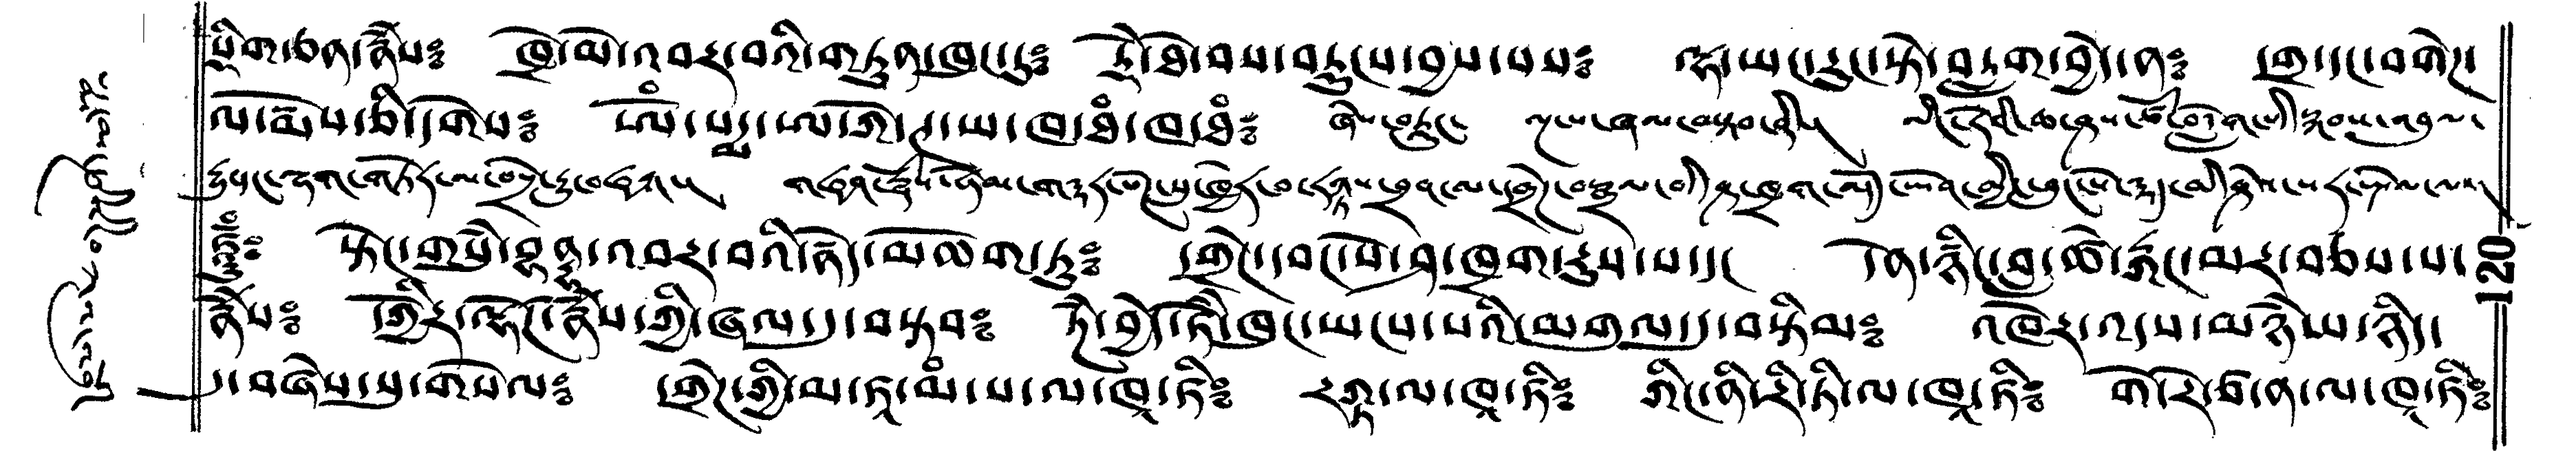སྡིག་ཅན་རྣམས༔ མཁའ་འགྲོ་འབར་བའི་གཏུན་ཁུང་དུ༔ རྡོ་རྗེ་ཐོ་བས་བརྡུངས་བྱས་པས༔ ལྷ་ཡང་རུང་སྟེ་བརླག་བྱེད་ན༔ དགྲ་དང་བགེགས་
ལ་སྨོས་ཅི་དགོས༔ ཨོཾ་པདྨ་ཨ་ཀྲོ་ཏ་ཡ་ཁ་ཐཾ་ཁ་ཐཾ༔ ཞེས་བརྡུང་། ལྔ་པ་ཞལ་བསྟབ་ནི། ལིང་རོའི་ཆ་ཤས་ཙམ་བཟློག་པའི་སྐབས་འབུལ་
རྒྱུ་དང་ལྷག་གཏོར་ལ་བསྲེ་རྒྱུ་བཞག གཞན་རྣམས་ཧོམ་གཟར་སོགས་སུ་ཁྱེར་བ་རཀྟས་བྲན་ལ་དགྲ་བགེགས་བསྒྲལ་བའི་ཤ་ཁྲག་འདོད་ཡོན་གྱི་ཕུང་པོ་ཟད་མི་ཤེས་པར་སྤེལ་ལ། 
ཧཱུྃ༔ སྟོང་གསུམ་བྷནྡྷ་འབར་བའི་སྣོད་མཆོག་ཏུ༔ དགྲ་བགེགས་དབང་པོ་ཤ་ཁྲག་རུས་པ་དང༔ དོན་སྙིང་བླ་ཚེ་རྐང་མར་བཅས་པ་
རྣམས༔ དཀྱིལ་འཁོར་ལྷ་ཚོགས་རྣམས་ཀྱི་ཞལ་དུ་བསྟབ༔ རྔམས་བྱེད་ཧོམ་ཁུང་ཡངས་པའི་མགུལ་དུ་བསྟིམ༔ འཁོར་འདས་མཉམ་པ་ཉིད་
དུ་བཞེས་སུ་གསོལ༔ དགྲ་བགེགས་ཀྱི་མ་ཧཱ་མཾ་ས་ལ་ཁཱ་ཧིཿ རཀྟ་ལ་ཁཱ་ཧིཿ ཀིང་ནི་རི་ཏི་ལ་ཁཱ་ཧིཿ གོ་རོ་ཙ་ན་ལ་ཁཱ་ཧི༔